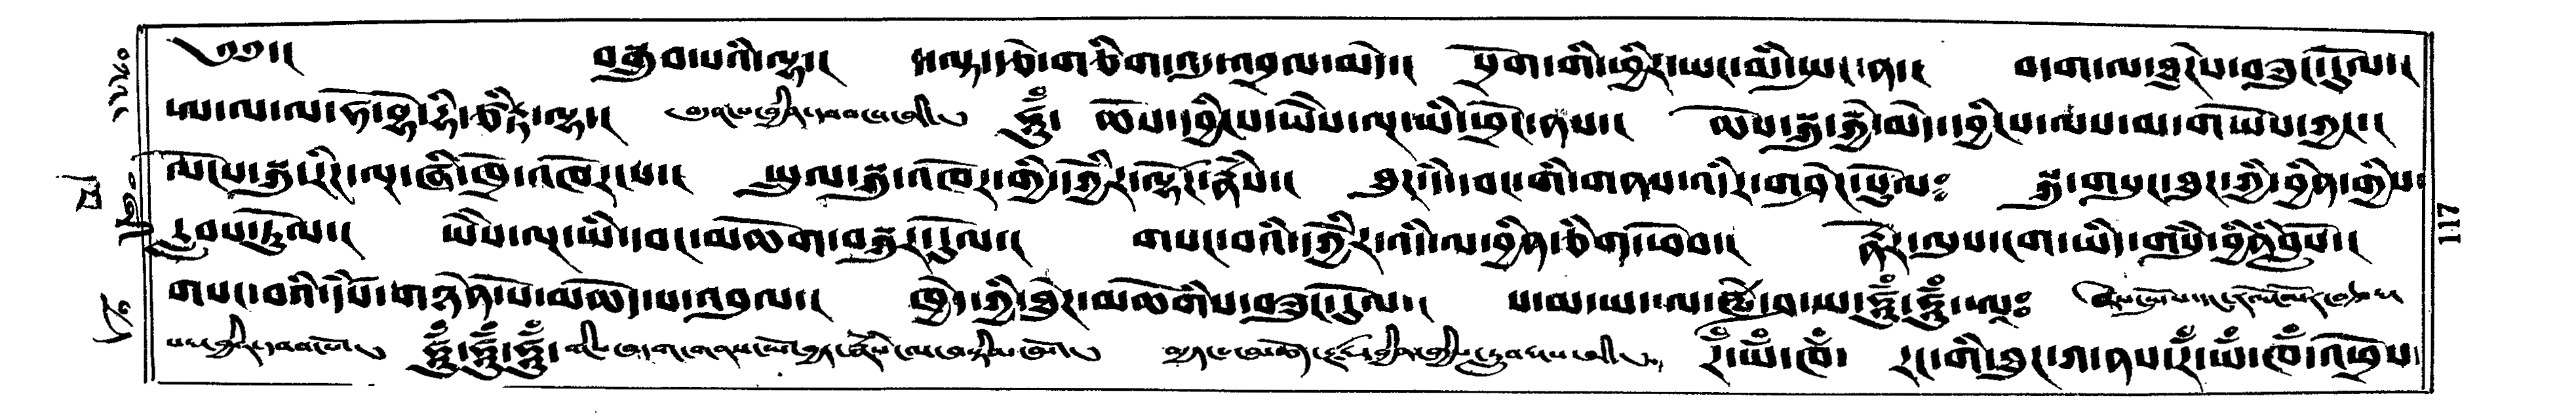བསྒྲུབས་པའི་ལྷ། །ད་ལྟ་རྩེ་གཅིག་འདུ་འབྲལ་མེད། །སྲོག་གི་ཕྱིར་ཡང་མི་སྤང་ན། །བདག་ལ་ཐུགས་རྗེས་བཟུང་དུ་གསོལ། །
ཨ་ལ་ལ་ཧོ་བྷོ་དྷི་ཙིཏྟ་ཧཱུྃཿ བདུན་པ་བྱིན་དབབ་པ་ནི། ཧཱུྃ། ཆོས་དབྱིངས་ཡེ་ཤེས་ལྔ་ཡི་ཕོ་བྲང་ནས། །ཆོས་སྐུ་སྐྱེ་མེད་དབྱིངས་ལས་མ་གཡོས་ཀྱང་། །
ལོངས་སྐུ་རིགས་ལྔ་ཞི་ཁྲོ་འཁོར་དང་བཅས། །སྤྲུལ་སྐུ་འཁོར་གྱི་དཀྱིལ་འཁོར་ལྷ་ཚོགས་རྣམས། །ཐུགས་དམ་དབང་གི་གནས་འདིར་གཤེགས་སུ་གསོལ། །སྐུ་གསུང་ཐུགས་ཀྱི་བྱིན་གྱིས་
བརླབ་ཏུ་གསོལ། །ཡེ་ཤེས་ལྔ་ཡི་དབང་མཆོག་བསྐུར་དུ་གསོལ། །གསང་བའི་དཀྱིལ་འཁོར་འདི་ལ་བྱིན་ཅིག་ཕོབ། རྣལ་འབྱོར་ལུས་ངག་ཡིད་གསུམ་བྱིན་གྱིས་རློབས། །
གསང་བའི་དམ་རྫས་གཉེན་པོ་མཆོད་པར་འབུལ། །ཁྱེད་ཀྱི་ཐུགས་རྗེ་མཆོག་གིས་བཟུང་དུ་གསོལ། ས་མ་ཡ་ཨ་ཝེ་ཤ་ཡ་ཧཱུྃ་ཧཱུྃ་ཨཱཿ ཞེས་སྤོས་དང་རོལ་མོར་བཅས་
པས་བྱིན་དབབ་བོ། ཧཱུྃ་ཧཱུྃ་ཧཱུྃཿ གིས་བདག་གནས་ཡོ་བྱད་རྣམས་ལ་བསྟིམ་མོ།། བརྒྱད་པ་མཆོད་རྫས་བྱིན་གྱིས་བརླབ་པ་ནི། རྃ་ཡྃ་ཁྃཿ རང་གི་ཐུགས་ཀ་ནས་རྃ་ཡྃ་ཁྃ་འཕྲོས་